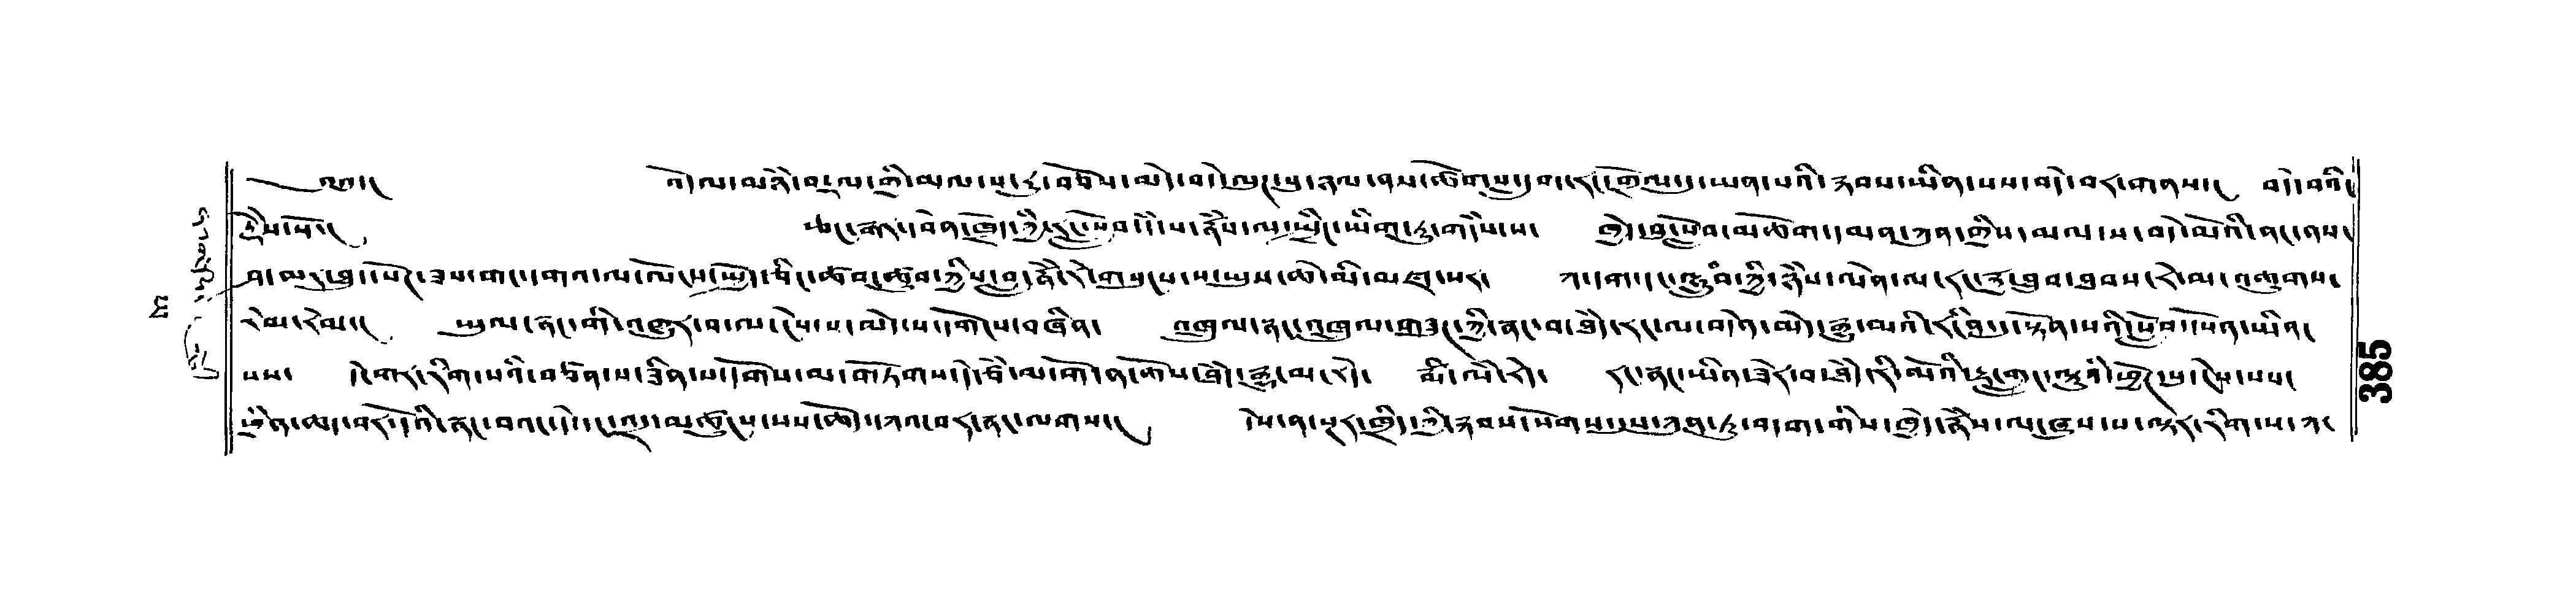འོད་གསལ་མཉམ་བརྡལ་གྱི་མལ་ས་རུ་བཅོས་མེད་བདེ་ལུགས་སུ་ཉལ་ནས་ཚོགས་དྲུག་རང་གྲོལ་དུ་ཡན་པའི་སྐབས་ཡིན་པས་བདེ་བར་གནས། བདེ་བའི་
རྡེ་རྗེས་སོ།། རྩང་སྒར་བདེན་ཁྲོད་ཀྱི་རང་སློབ་དམ་པ་རྣམས་ལ་སྤྲིང་ཡིག་ཏུ་གདམས་པ། ཁྱེད་བུ་སློབ་མཆོག་དམན་ཀུན་གྱིས་མལ་ས་བདེ་མོའི་ནང་ནས་
ཤ་མར་ཐུད་སོགས་ཟས་གང་དགའ་ལ་ལོངས་སྤྱོད་ཅིང་ཚབ་ཚུབ་ཀྱིས་བླ་རྣམརེ་གསུངས་པ་ཡུས་ཆེ་མི་མཛད་པར།ཀ་དག་དང་ལྷུན་གྲུབ་ཀྱི་ཉམས་ལེན་ལ་རང་རྐྱ་ཐུབ་ཐབས་རེ་མ་འཆུགས་
རེམ་རེམ། ཡུལ་སྣང་གི་འགྱུར་བ་ལ་ངེས་པ་མེད་པ་དགོངས་བཞིན། འཁྲུལ་སྣང་འཁྲུལ་གཟུགས་ཀྱི་སྣང་བ་ཐམས་ཅད་རང་ལ་བདེན་མེད་སྒྱུ་མའི་རང་བཞིན་དུ་སྟོན་པའི་སློབ་དཔོན་ཡིན་
པས། དེ་གར་རིག་པའི་བཙན་ས་ཟིན་པ་དགོས་མ་གཏོགས་དེ་ཙམ་མ་གོ་ན་ཆོས་ཐམས་ཅད་སྒྱུ་མ་རེད། རྨི་ལམ་རེད། རང་སྣང་ཡིན་ཟེར་བ་ཐམས་ཅད་རི་མོའི་རྟ་གླང་ལྟ་བུའི་ཕྱོགས་སུ་ངེས་པས་
ཕྱིན་ཆད་བར་དོའི་སྣང་བའང་དེ་དང་འདྲ་མཚུངས་པས་ཆོད་དཀའ་བར་སྣང་ལགས། དེས་ན་སྔར་ཁྲིད་ཀྱི་སྐབས་སོགས་དུས་ཀུན་ཏུ་བདག་གིས་ཁྱེད་རྣམས་ལ་ཞུས་པ་ལྟར་རིག་པ་ཀ་